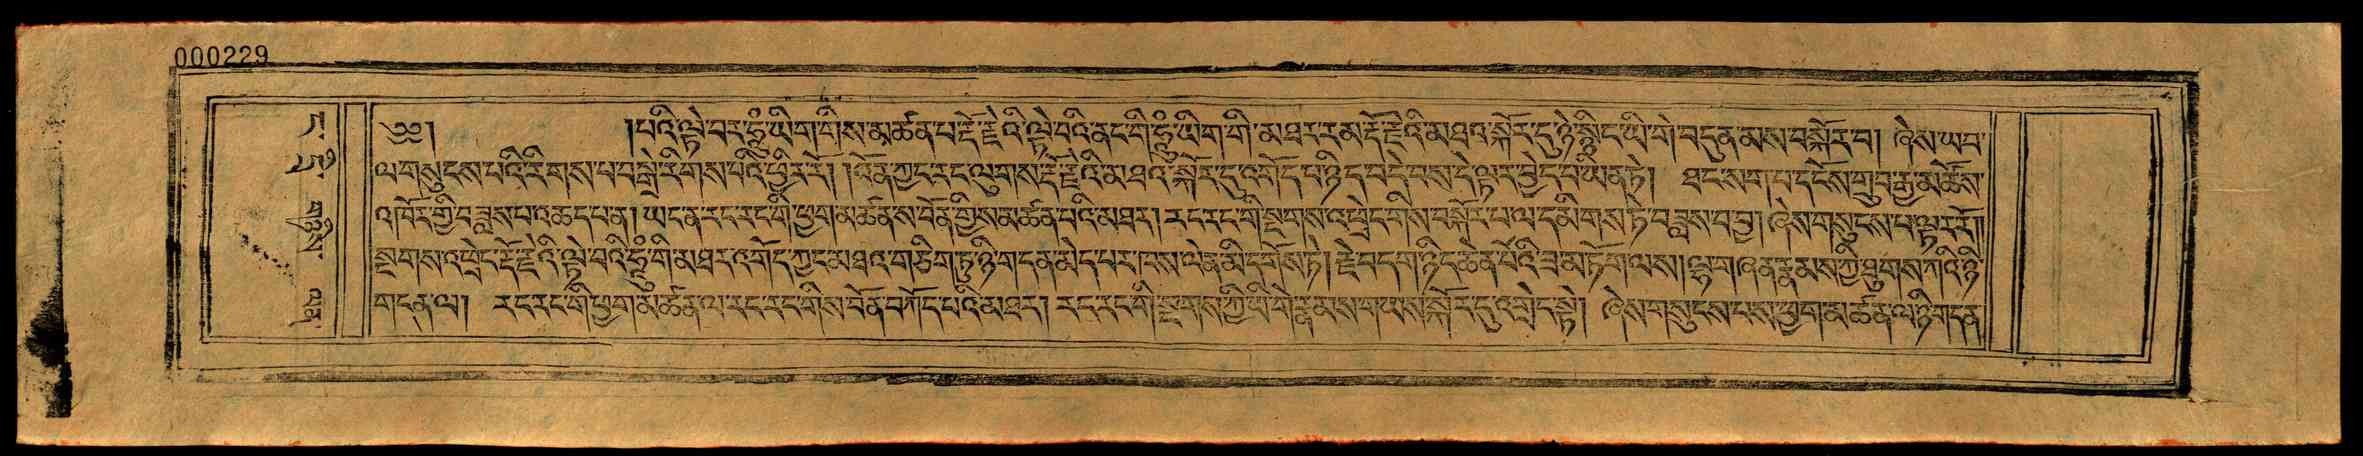༄༅། །པའི་ལྟེ་བར་ཧཱུཾ་ཡིག་གིས་མཚན་པ་རྡོ་རྗེའི་ལྟེ་བའི་ནང་གི་ཧཱུཾ་ཡིག་གི་མཐར་རམ་རྡོ་རྗེའི་མཐའ་སྐོར་དུ་ཉེ་སྙིང་ཡི་གེ་བདུན་མས་བསྐོར་བ། ཞེས་ཡབ་
ལ་གསུངས་པའི་རིགས་པ་བསྒྲེ་རིགས་པའི་ཕྱིར་རོ། །འོན་ཀྱང་རང་ལུགས་རྡོ་རྗེའི་མཐའ་སྐོར་དུ་འགོད་པ་ཉིད་བདེ་བས་དེ་ལྟར་བྱེད་པ་ཡིན་ཏེ། ཐང་སག་པ་དངོས་གྲུབ་རྒྱ་མཚོས་
འཁོར་གྱི་བཟླས་པ་འཆད་པ་ན། ཡང་ན་རང་རང་གི་ཕྱག་མཚན་ས་བོན་གྱིས་མཚན་པའི་མཐར། རང་རང་གི་སྔགས་འཕྲེང་གིས་བསྐོར་བ་ལ་དམིགས་ཏེ་བཟླས་པ་བྱ། ཞེས་གསུངས་པ་ལྟར་རོ། །
སྔགས་འཕྲེང་རྡོ་རྗེའི་ལྟེ་བའི་ཧཱུཾ་གི་མཐར་འགོད་ཀྱང་མཐའ་གཅིག་ཏུ་ཉི་གདན་མེད་པར་ཁས་ལེན་མི་དགོས་ཏེ། རྗེ་བདག་ཉིད་ཆེན་པོའི་ཟ་མ་ཏོག་ལས། ལྷ་གཞན་རྣམས་ཀྱི་ཐུགས་ཀའི་ཉི་
གདན་ལ། རང་རང་གི་ཕྱག་མཚན་ལ་རང་རང་གི་ས་བོན་བཀོད་པའི་མཐར། རང་རང་གི་སྔགས་ཀྱི་ཡི་གེ་རྣམས་གཡས་སྐོར་དུ་འགྲེང་སྟེ། ཞེས་གསུངས་པས་ཕྱག་མཚན་ལ་ཉི་གདན་